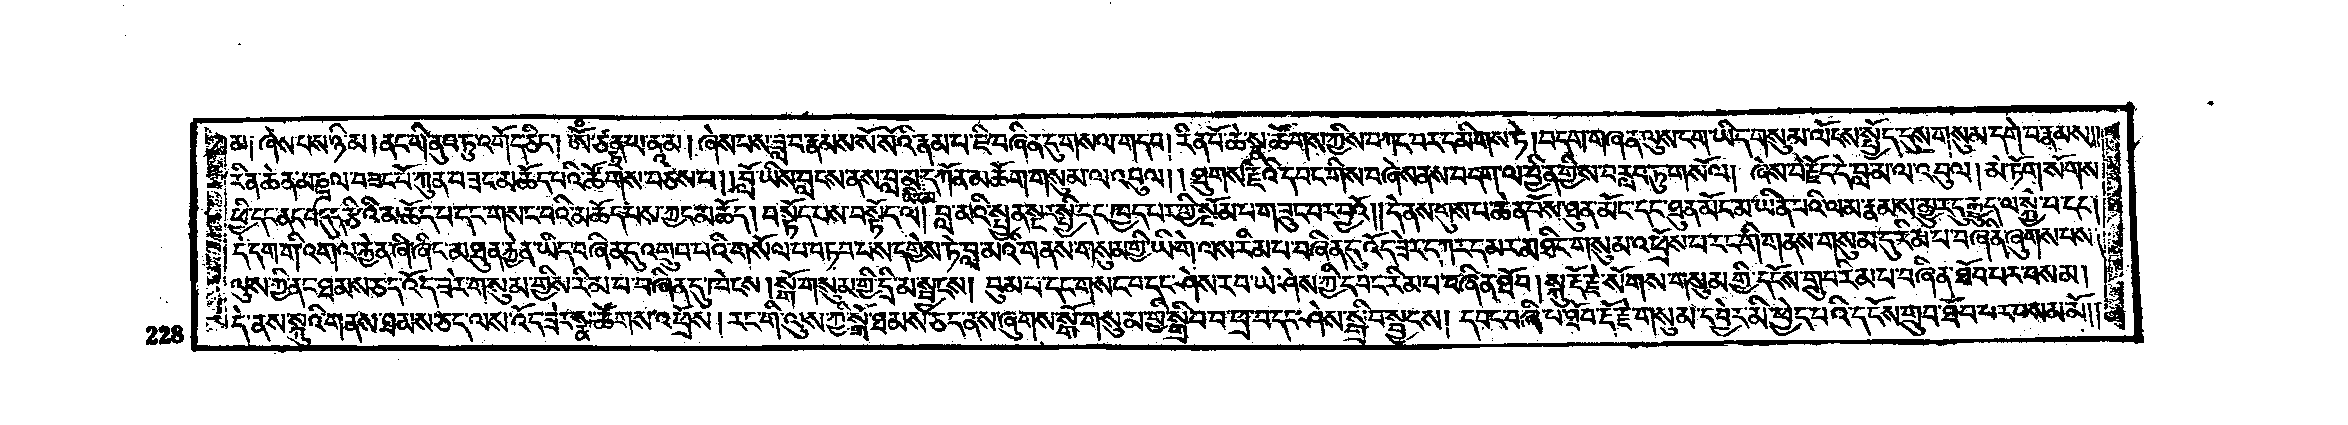མ། ཞེས་པས་ཉི་མ། ནང་གི་ནུབ་ཏུ་འགོད་ཅིང་། ཨོཾ་ཙནྟྲ་ཡ་ནཱ་མ། ཞེས་པས་ཟླ་བ་རྣམས་སོ་སོའི་རྣམ་པ་ཇི་བཞིན་དུ་གསལ་གདབ། རིན་པོ་ཆེ་སྣ་ཚོགས་ཀྱིས་བཀང་བར་དམིགས་ཏེ། བདག་གཞན་ལུས་ངག་ཡིད་གསུམ་ལོངས་སྤྱོད་དུས་གསུམ་དགེ་བ་རྣམས། །
རིན་ཆེན་མཎྜལ་བཟང་པོ་ཀུན་བཟང་མཆོད་པའི་ཚོགས་བཅས་པ། །བློ་ཡིས་བླངས་ནས་བླ་མ་ཡིད་དམ་དཀོན་མཆོག་གསུམ་ལ་འབུལ། །ཐུགས་རྗེའི་དབང་གིས་བཞེས་ནས་བདག་ལ་བྱིན་གྱིས་བརླབ་ཏུ་གསོལ། ཞེས་བརྗོད་དེ་བླ་མ་ལ་འབུལ། མེ་ཏོག་སོགས་
ཕྱི་དང་ནང་བདུད་རྩིའི་མཆོད་པ་དང་གསང་བའི་མཆོད་པས་ཀྱང་མཆོད། བསྟོད་པས་བསྟོད་ལ། བླ་མའི་སྤྱན་སྔར་སྤྱི་དང་ཁྱད་པར་གྱི་སྡོམ་པ་གཟུང་བར་བྱའོ། །དེ་ནས་གུས་པ་ཆེན་པོས་ཐུན་མོང་དང་ཐུན་མོང་མ་ཡིན་པའི་ལམ་རྣམས་མྱུར་དུ་རྒྱུད་ལ་སྐྱེ་བ་དང་།
དེ་དག་གི་འགལ་རྐྱེན་ཞི་ཞིང་མཐུན་རྐྱེན་ཡིད་བཞིན་དུ་འགྲུབ་པའི་གསོལ་པ་བཏབ་པས་དགྱེས་ཏེ་བླ་མའི་གནས་གསུམ་གྱི་ཡི་གེ་ལས་རིམ་པ་བཞིན་དུ་འོད་ཟེར་དཀར་དམར་མཐིང་གསུམ་འཕྲོས་པ་རང་གི་གནས་གསུམ་དུ་རིམ་པ་བཞིན་ཞུགས་པས།
ལུས་ཀྱི་ནང་ཐམས་ཅད་འོད་ཟེར་གསུམ་གྱིས་རིམ་པ་བཞིན་དུ་ཁེངས། སྒོ་གསུམ་གྱི་དྲི་མ་སྦྱངས། བུམ་པ་དང་གསང་བ་དང་ཤེས་རབ་ཡེ་ཤེས་ཀྱི་དབང་རིམ་པ་བཞིན་ཐོབ། སྐུ་རྡོ་རྗེ་སོགས་གསུམ་གྱི་དངོས་གྲུབ་རིམ་པ་བཞིན་ཐོབ་པར་བསམ།
དེ་ནས་སྐུའི་གནས་ཐམས་ཅད་ལས་འོད་ཟེར་སྣ་ཚོགས་འཕྲོས། རང་གི་ལུས་ཀྱི་སྒོ་ཐམས་ཅད་ནས་ཞུགས་སྒོ་གསུམ་གྱི་སྒྲིབ་པ་ཕྲ་བ་དང་ཤེས་སྒྲིབ་སྦྱངས། དབང་བཞི་པ་ཐོབ་རྡོ་རྗེ་གསུམ་དབྱེར་མི་ཕྱེད་པའི་དངོས་གྲུབ་ཐོབ་པར་བསམ་མོ། །